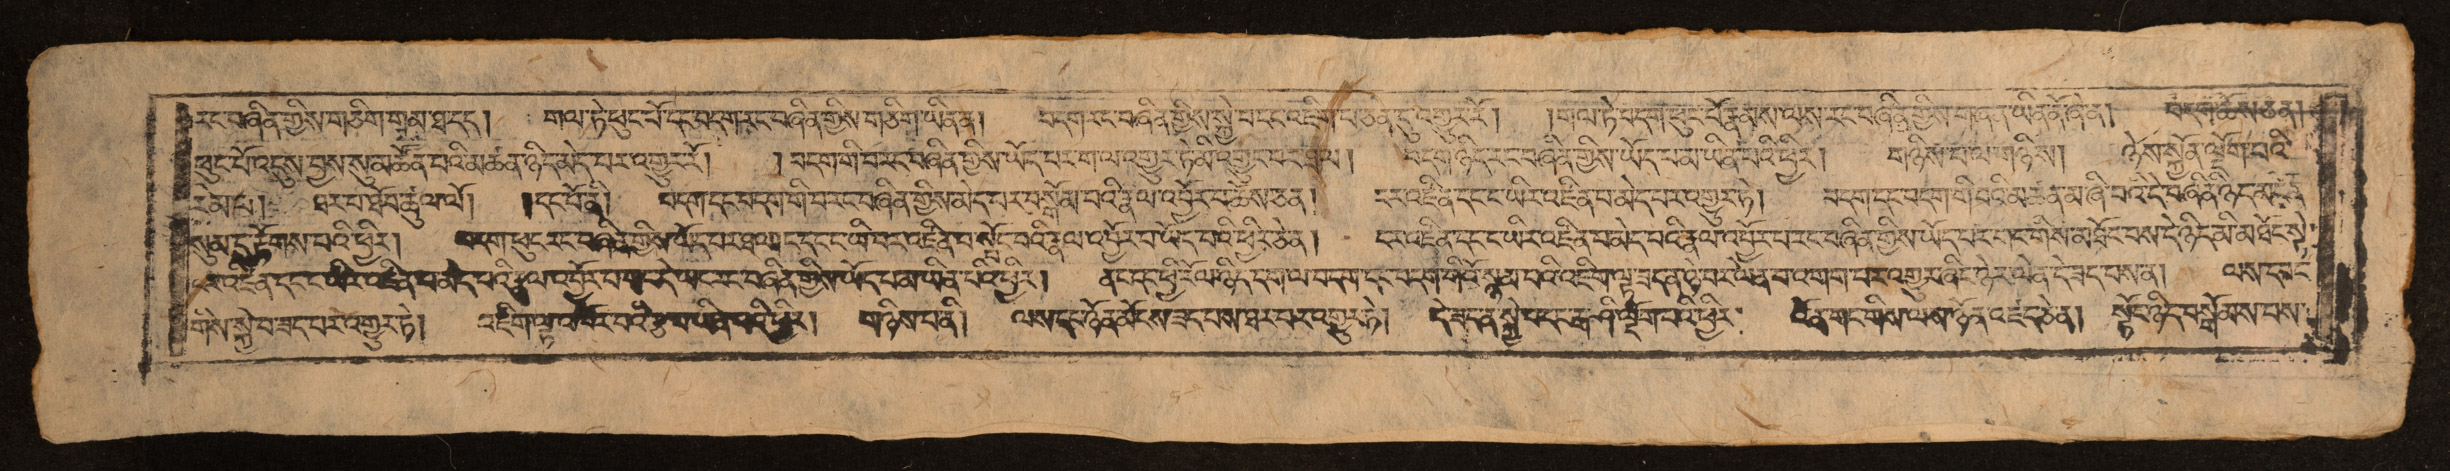རང་བཞིན་གྱིས་གཅིག་གམ་ཐ་དད། གལ་ཏེ་ཕུང་པོ་དང་བདག་རང་བཞིན་གྱིས་གཅིག་ཡིན་ན། བདག་རང་བཞིན་གྱིས་སྐྱེ་བ་དང་འཇིག་པ་ཅན་དུ་འགྱུར་རོ། །གལ་ཏེ་བདག་ཕུང་པོ་རྣམས་ལས་རང་བཞིན་གྱིས་གཞན་ཡིན་ནོ་ཞེ་ན། བདག་ཆོས་ཅན།
ཕུང་པོ་འདུས་བྱས་སུ་མཚོན་པའི་མཚན་ཉིད་མེད་པར་འགྱུར་རོ། །བདག་གི་བ་རང་བཞིན་གྱིས་ཡོད་པར་ག་ལ་འགྱུར་ཏེ་མི་འགྱུར་བར་ཐལ། བདག་ཉིད་རང་བཞིན་གྱིས་ཡོད་པ་མ་ཡིན་པའི་ཕྱིར། གཉིས་པ་ལ་གཉིས། ཉེས་སྐྱོན་ལྡོག་པའི་
རིམ་པ། ཐར་པ་ཐོབ་ཚུལ་ལོ། །དང་པོ་ནི། བདག་དང་བདག་གི་བ་རང་བཞིན་གྱིས་མེད་པར་བསྒོམ་པའི་རྣལ་འབྱོར་པ་ཆོས་ཅན། ངར་འཛིན་དང་ང་ཡིར་འཛིན་པ་མེད་པར་འགྱུར་ཏེ། བདག་དང་བདག་གི་བའི་མཚན་མ་ཞི་བའི་དེ་བཞིན་ཉིད་མངོན་
སུམ་དུ་རྟོགས་པའི་ཕྱིར། བདག་ཕུང་རང་བཞིན་གྱིས་ཡོད་པར་ཐལ། ང་དང་ང་ཡི་བར་འཛིན་པ་སྤོང་བའི་རྣལ་འབྱོར་བ་ཡོད་པའི་ཕྱིར་ཅེ་ན། ངར་འཛིན་དང་ང་ཡིར་འཛིན་པ་མེད་པར་འགྱུར་ཏེ། བདག་དང་བདག་གི་བའི་མཚན་མ་ཞི་བའི་དེ་བཞིན་ཉིད་མངོན་
ངར་འཛིན་དང་ང་ཡིར་འཛིན་པ་མེད་པའི་རྣལ་འབྱོར་པ་གང་དེ་ཡང་རང་བཞིན་གྱིས་ཡོད་པ་མ་ཡིན་པའི་ཕྱིར། ནང་དང་ཕྱི་རོལ་ཉིད་དག་ལ་བདག་དང་བདག་གིའོ་སྙམ་པའི་འཇིག་ལྟ་ཟད་ན་ཉེ་བར་ལེན་པ་འགག་པར་འགྱུར་ཞིང་ཉེར་ལེན་དེ་ཟད་པས་ན། ལས་དབང་
གིས་སྐྱེ་བ་ཟད་པར་འགྱུར་ཏེ། འཇིག་ལྟ་འཁོར་བའི་རྩ་བ་ཡིན་པའི་ཕྱིར། གཉིས་པ་ནི། ལས་དང་ཉོན་མོངས་ཟད་པས་ཐར་པར་འགྱུར་ཏེ། དེ་ཟད་ན་སྐྱེ་བ་དང་རྒ་ཤི་ལྡོག་པའི་ཕྱིར། འོ་ན་གང་གིས་ལས་ཉོན་འཛད་ཅེ་ན། སྟོང་ཉིད་བསྒོམས་པས་